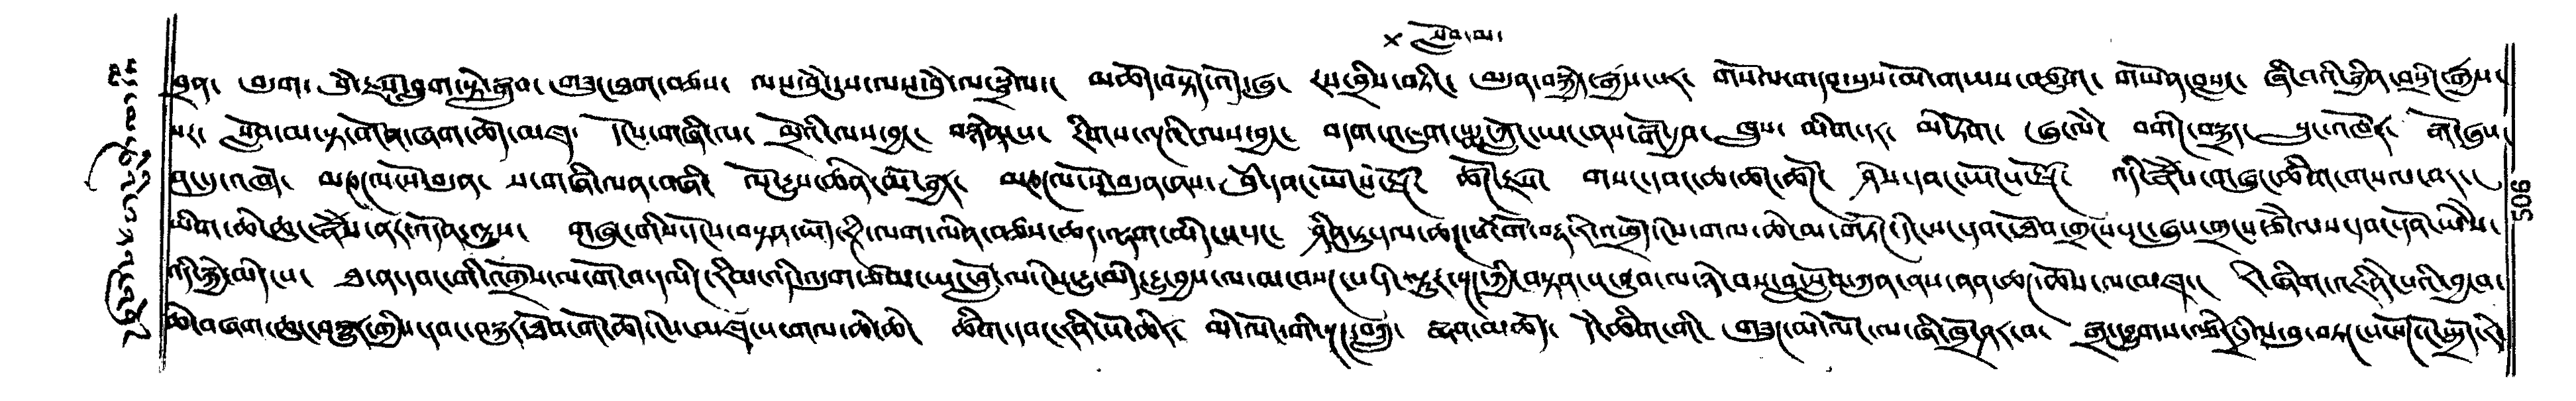བྲན། བདུག བུམ་རྫས་བླུགས་སྟེ་བསྒྲུབ། གཟུངས་ཐག་བཅས། ལས་བུམ་དུས་ལས་བུམ་ལ་སྦྲེལ། མཆོད་བསྟོད་འོད་ཞུ། རས་བྲིས་བཏིང་། མདུན་བསྐྱེད་རྒྱས་པར། གསོལ་གདབ་པུས་མོ་གཡས་འཛུགས། གཡོན་བསླང་། ཞི་བའི་སྦྱིན་སྲེག་རྒྱས་
པར། སློབ་མ་སྟ་གོན་ཞག་ཆོད་མཛད། དངོས་གཞི་ལ། མཁའ་འགྲོའི་ལས་བྱང་། བསྙེན་པ། རིགས་ལྔའི་ལས་བྱང་། བདག་འཇུག་པདྨ་ཀློང་ཡངས་ནས་སྒོ་རྒྱབ། ཁྲུས། མིག་དར། མེ་ཏོག ཞུ་ལམ། བགེགས་བསྐྲད། སྲུང་འཁོར། སྒོ་ཞུས་
ནང་དུ་འཁོད། མཎྜལ་སོ་བདུན། ས་གཞི༴ ལན་བཞི། ལོ་རྒྱུས་ཆེན་མོ་སྦྱར། མཎྜལ་སོ་བདུན་ནས། བུམ་དབང་ཡོངས་རྫོགས། ཚོགས་རྫས། གསང་དབང་ཆ་ཚང་ཚོགས། ཤེར་དབང་ཡོངས་རྫོགས། འདི་རྣམས་གཞུང་ཚིག་གསལ་བར། 
ཡི་གེ་ཆེ་ཆུང་རྣམས་ནར་འདོན་ལྟ་བུས། གཞུང་གིས་དངོས་བསྟན་ཡོད་རིགས་ལག་ལེན་བཅས་ཆད་ལྷག་མེད་པ་དང་། ཤིན་ཏུ་དལ་ཆགས་པ་སློབ་མ་གོ་བརྡ་རེ་འཕྲོད་ངེས་གལ་ཆེ་མ་གཏོགས་དེང་སང་དབང་ཐོབ་གྲངས་དང་ཞུས་གྲངས་ཙམ་ལས། དབང་དོན་ཡེ་ཤེས་
འདི་སྐྱེ་མེད་པ་ཐ་ན་དབང་གི་འགྲོས་ལ་གོ་བ་དམིགས་རིམ་འདི་འདུག་ཙམ་ཡང་བློ་ལ་ངེས་མེད་རྒྱུ་བྱས་ལ་མ་བསགས་པ་དེ་ལྟ་བུ་སྔགས་ཀྱི་བསྟན་པ་ནུབ་ལ་ཉེ་བས་བླ་སློབ་ཀུན་ནས་ནན་ཆགས་ཆོས་ལ་མཛད། རེ་ཞིག་འཇིག་རྟེན་པའི་བྱ་བ་
ཆེ་བཞག་ཆུང་བསྐྱུར་གྱིས་དབང་བསྐུར་ཐོབ་གོ་ཆོད་ངེས་མཛད་པ་གལ་ཆེ་ཆེ། ཚིག་དབང་རིན་པོ་ཆེར། མེ་ལོང་གི་སྔགས་བཀྲུ། སྨན་མཆོད། དམ་ཚིག་གི་གཟུགས་མེ་ལོང་ལ་ཞི་ཁྲོ་ཤར་བ། སྦ་དབྱུག་རྩེར་དྲིལ་བུ་བཏགས་པ་སོགས་ངོ་སྤྲོད་རེ་